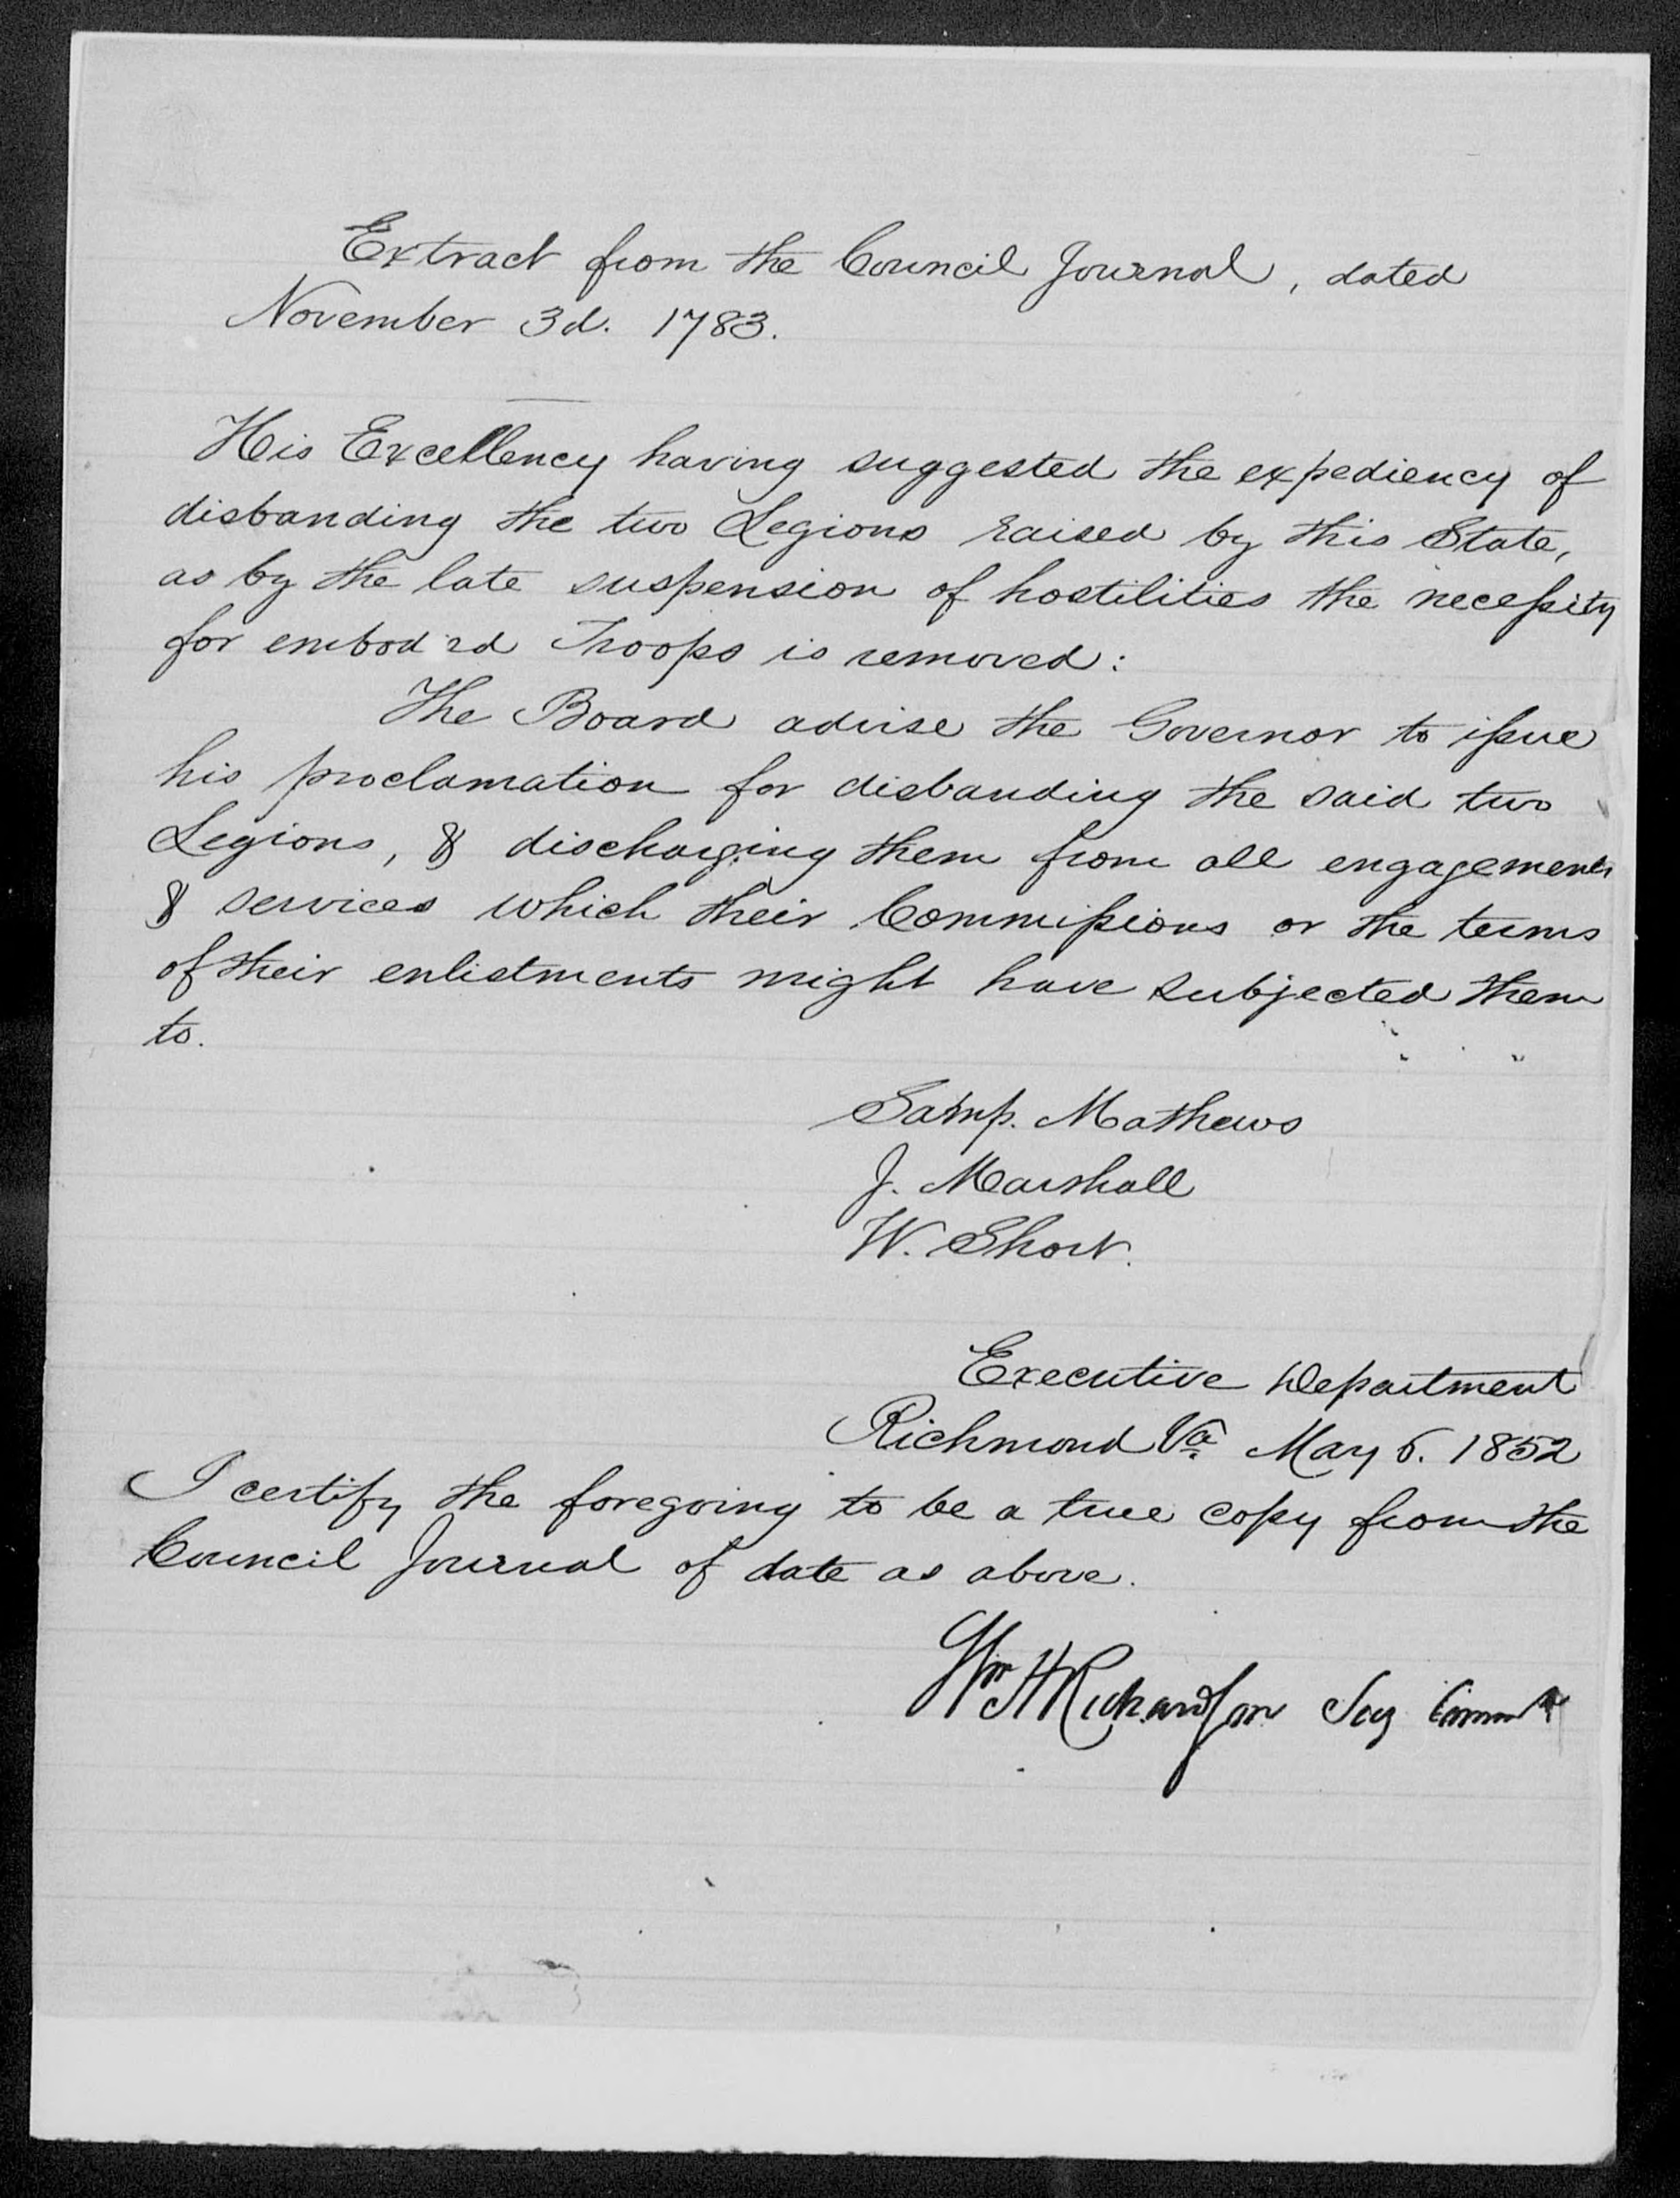Extract from the Council Journal, dated November 3d. 1783.

 His Excellency having suggested the expediency of disbanding the two Legions raised by this State, as by the late suspension of hostilities the necessity for embodied Troops is removed:
The Board advise the Governor to issue his proclamation for disbanding the said two Legions, &[and] discharging them from all engagements &[and] services which their Commissions or the terms of their enlistment might have subjected them to.
Samp. Mathews
J. Marshall
W. Short


Executive Department
Richmond Va  May 6. 1852
I certify the foregoing to be a true copy from the Council Journal of date as above.

Wm H Richardson  Leg Commr.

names: Wm H Richardson, J Marshall, Samp Mathews, W Short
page: 142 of 267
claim: widow's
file: W. 4,149, William Campbell, Va.